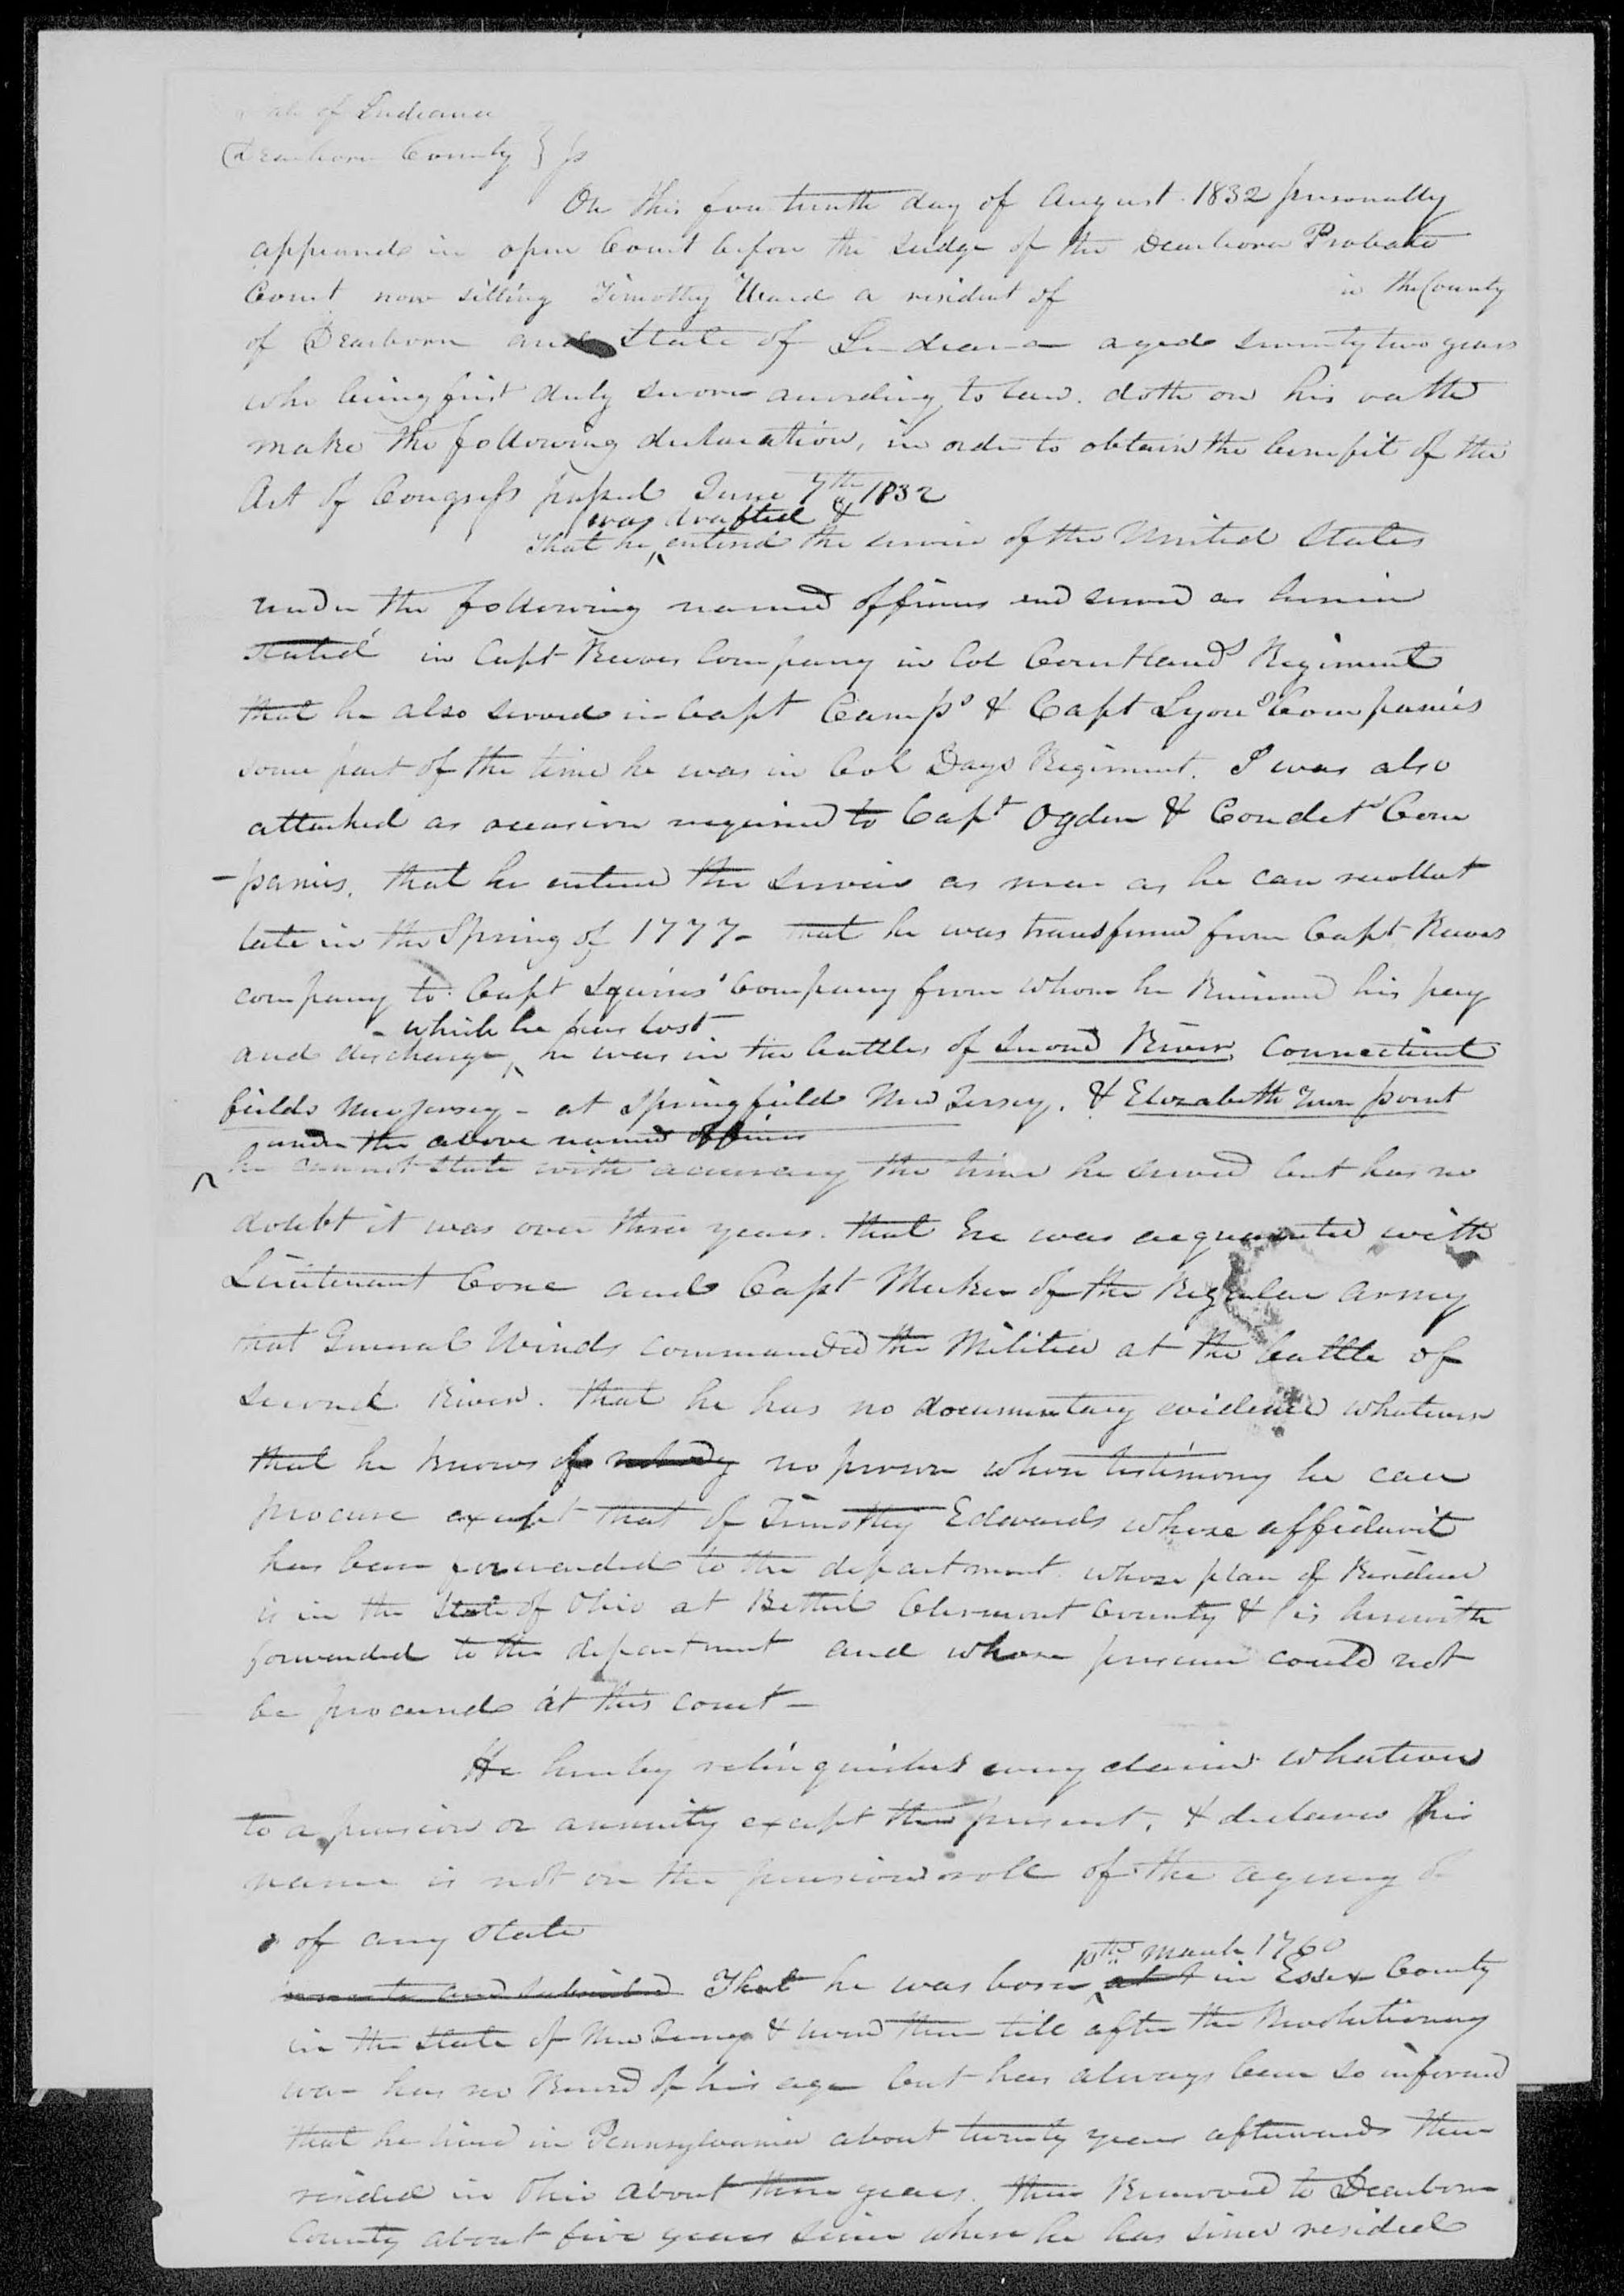State of Indiana 
Dearborn County } ss 
On this fourteenth day of August 1832 personally appeared in open Court before the Judge of the Dearbor Probate Court now sitting Timothy Ward a resident of in the County of Dearborn and State of Indiana aged Seventy two years who being first duly sworn according to law doth on his oath make the following declaration, in order to obtain the benefit of the Act of Congress passed June 7th 1832 

That he was drafted &[and] entered the service of the United States under the following named officers and served as herein stated in Capt Reeves Company in Col Courtlands Regiment that he also served in Capt Camps & Capt Lyons Companies some part of the time he was in Col Days Regiment. I was also attached as occasion required to Capt Ogden & Condit Corn panies, that he entered the service as near as he can recollect late in the spring of 1777- that he was transferred from Capt Reeves company to Capt Squires Company from whom he Received his pay and discharge - which he has lost.  he was in the battles of Second River, Connecticut fields  New Jersey-- at Springfield New Jersey, & Elizabeth Town Point under the above named offices   he cannot state with accuracy the time he served but has no doubt it was over three years. that he was acquainted with Lieutenant Cone and Capt Mecker of the Regular army that General Winds commanded the Militia at the battle of Second River, that he has no documentary evidence whatever that he knows of [illegible word crossed out] no proven when testimony he can procure except that of Timothy Edwards whose affidavit has been forwarded to the department whose place of residence is in the State of Ohio at Bethel Clermont County & is herewith forwarded to the department and whose presence could not be procured at this Court - 

He hereby relinquishes every claim whatever to a pension or annuity except the present & declares his name is not on the pension roll of the agency of any State 

[crossed out 'Sworn and Subscribed'] That he was born 10th March 1760 in Essex County in the State of New Jersey & lived there till after the Revolutionary war -  has no record of his age but has always been so informed that he lived in Pennsylvania about twenty years afterwards then resided in Ohio about three years, then removed to Dearborn County about five years since where he has since resided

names: Maker, Timothy Ward, Winds, Timothy Edwards, Cone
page: 5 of 24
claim: survivor's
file: S. 17751, Timothy Ward, New Jersey